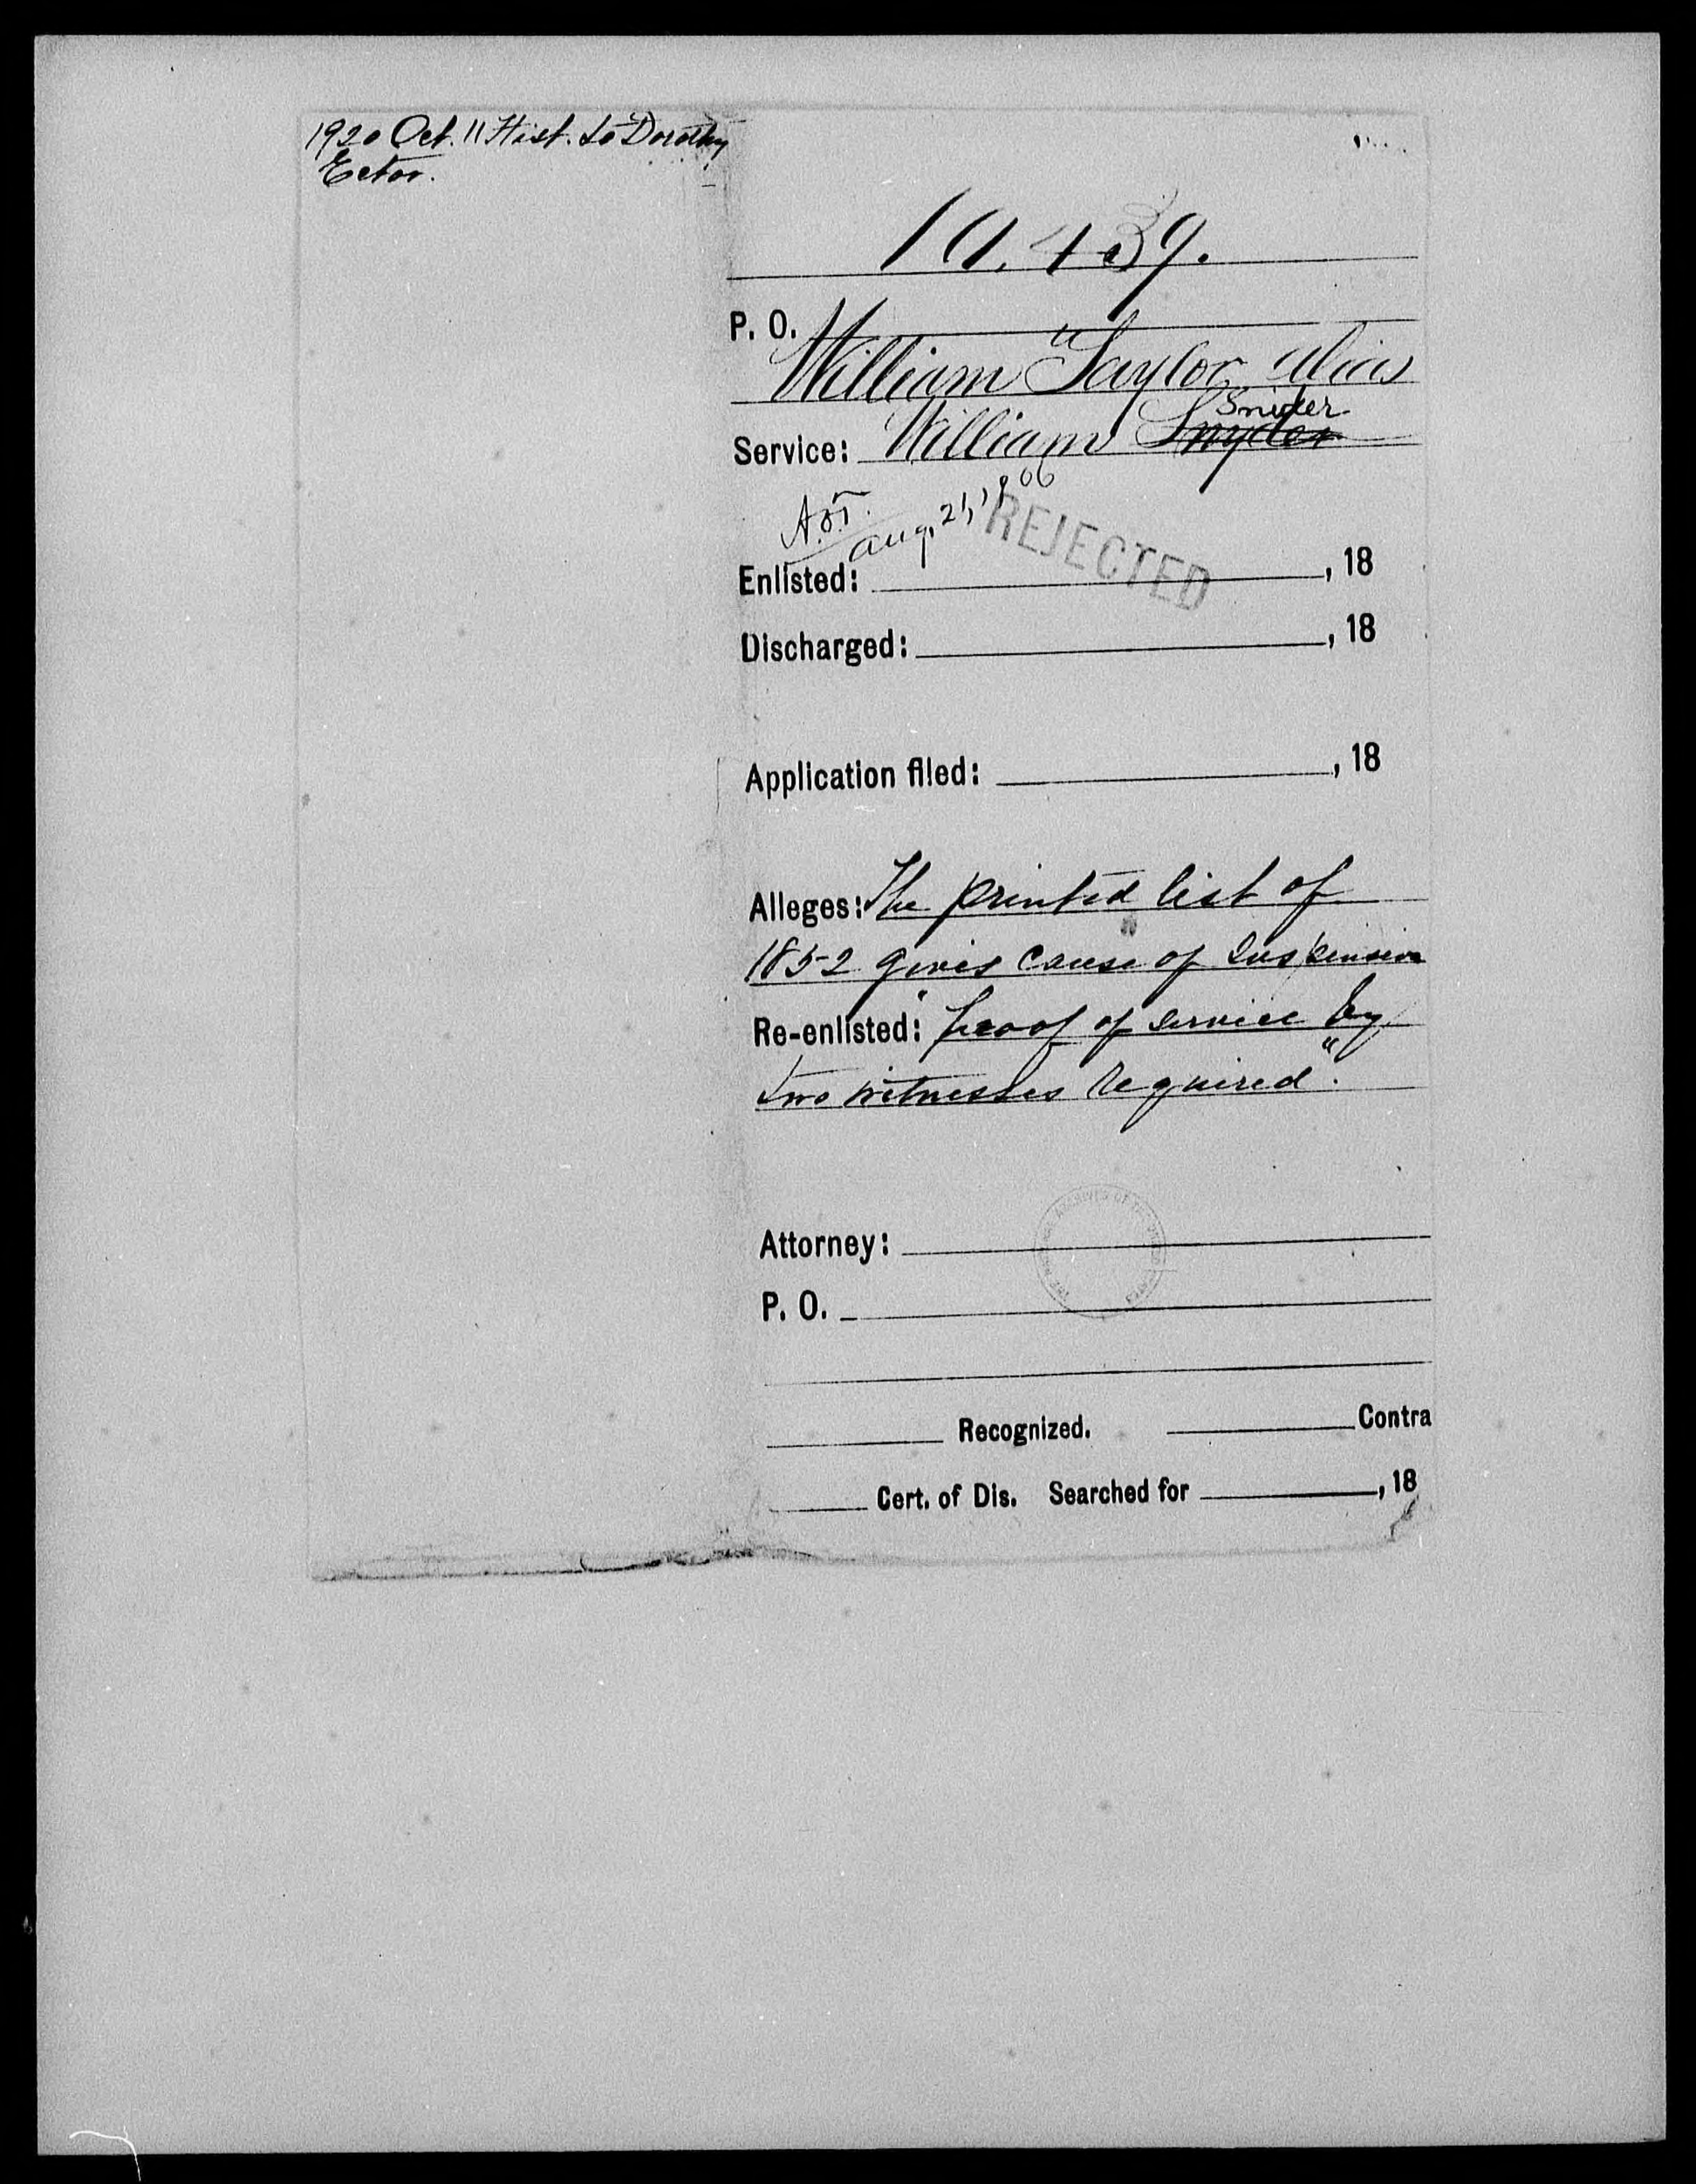1920 Oct. 11 Hist to Dorothy Ector.

10.439.
P.O.
William Taylor alias William Snider
Service:
A.O.T. Aug, 21, 1806
REJECTED
Enlisted:
Discharged:
Application filed:
Alleges:
The printed list of 1852 gives cause of suspension proof of service by
two witnesses required.
Re-enlisted:
Attorney:
P. O.
Recognized. Contract.
Cert. of Dis. Searched for

[stamp] THE NATIONAL ARCHIVES OF THE UNITED STATES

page: 14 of 33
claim: rejected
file: R 10439, for William Taylor, North Carolina